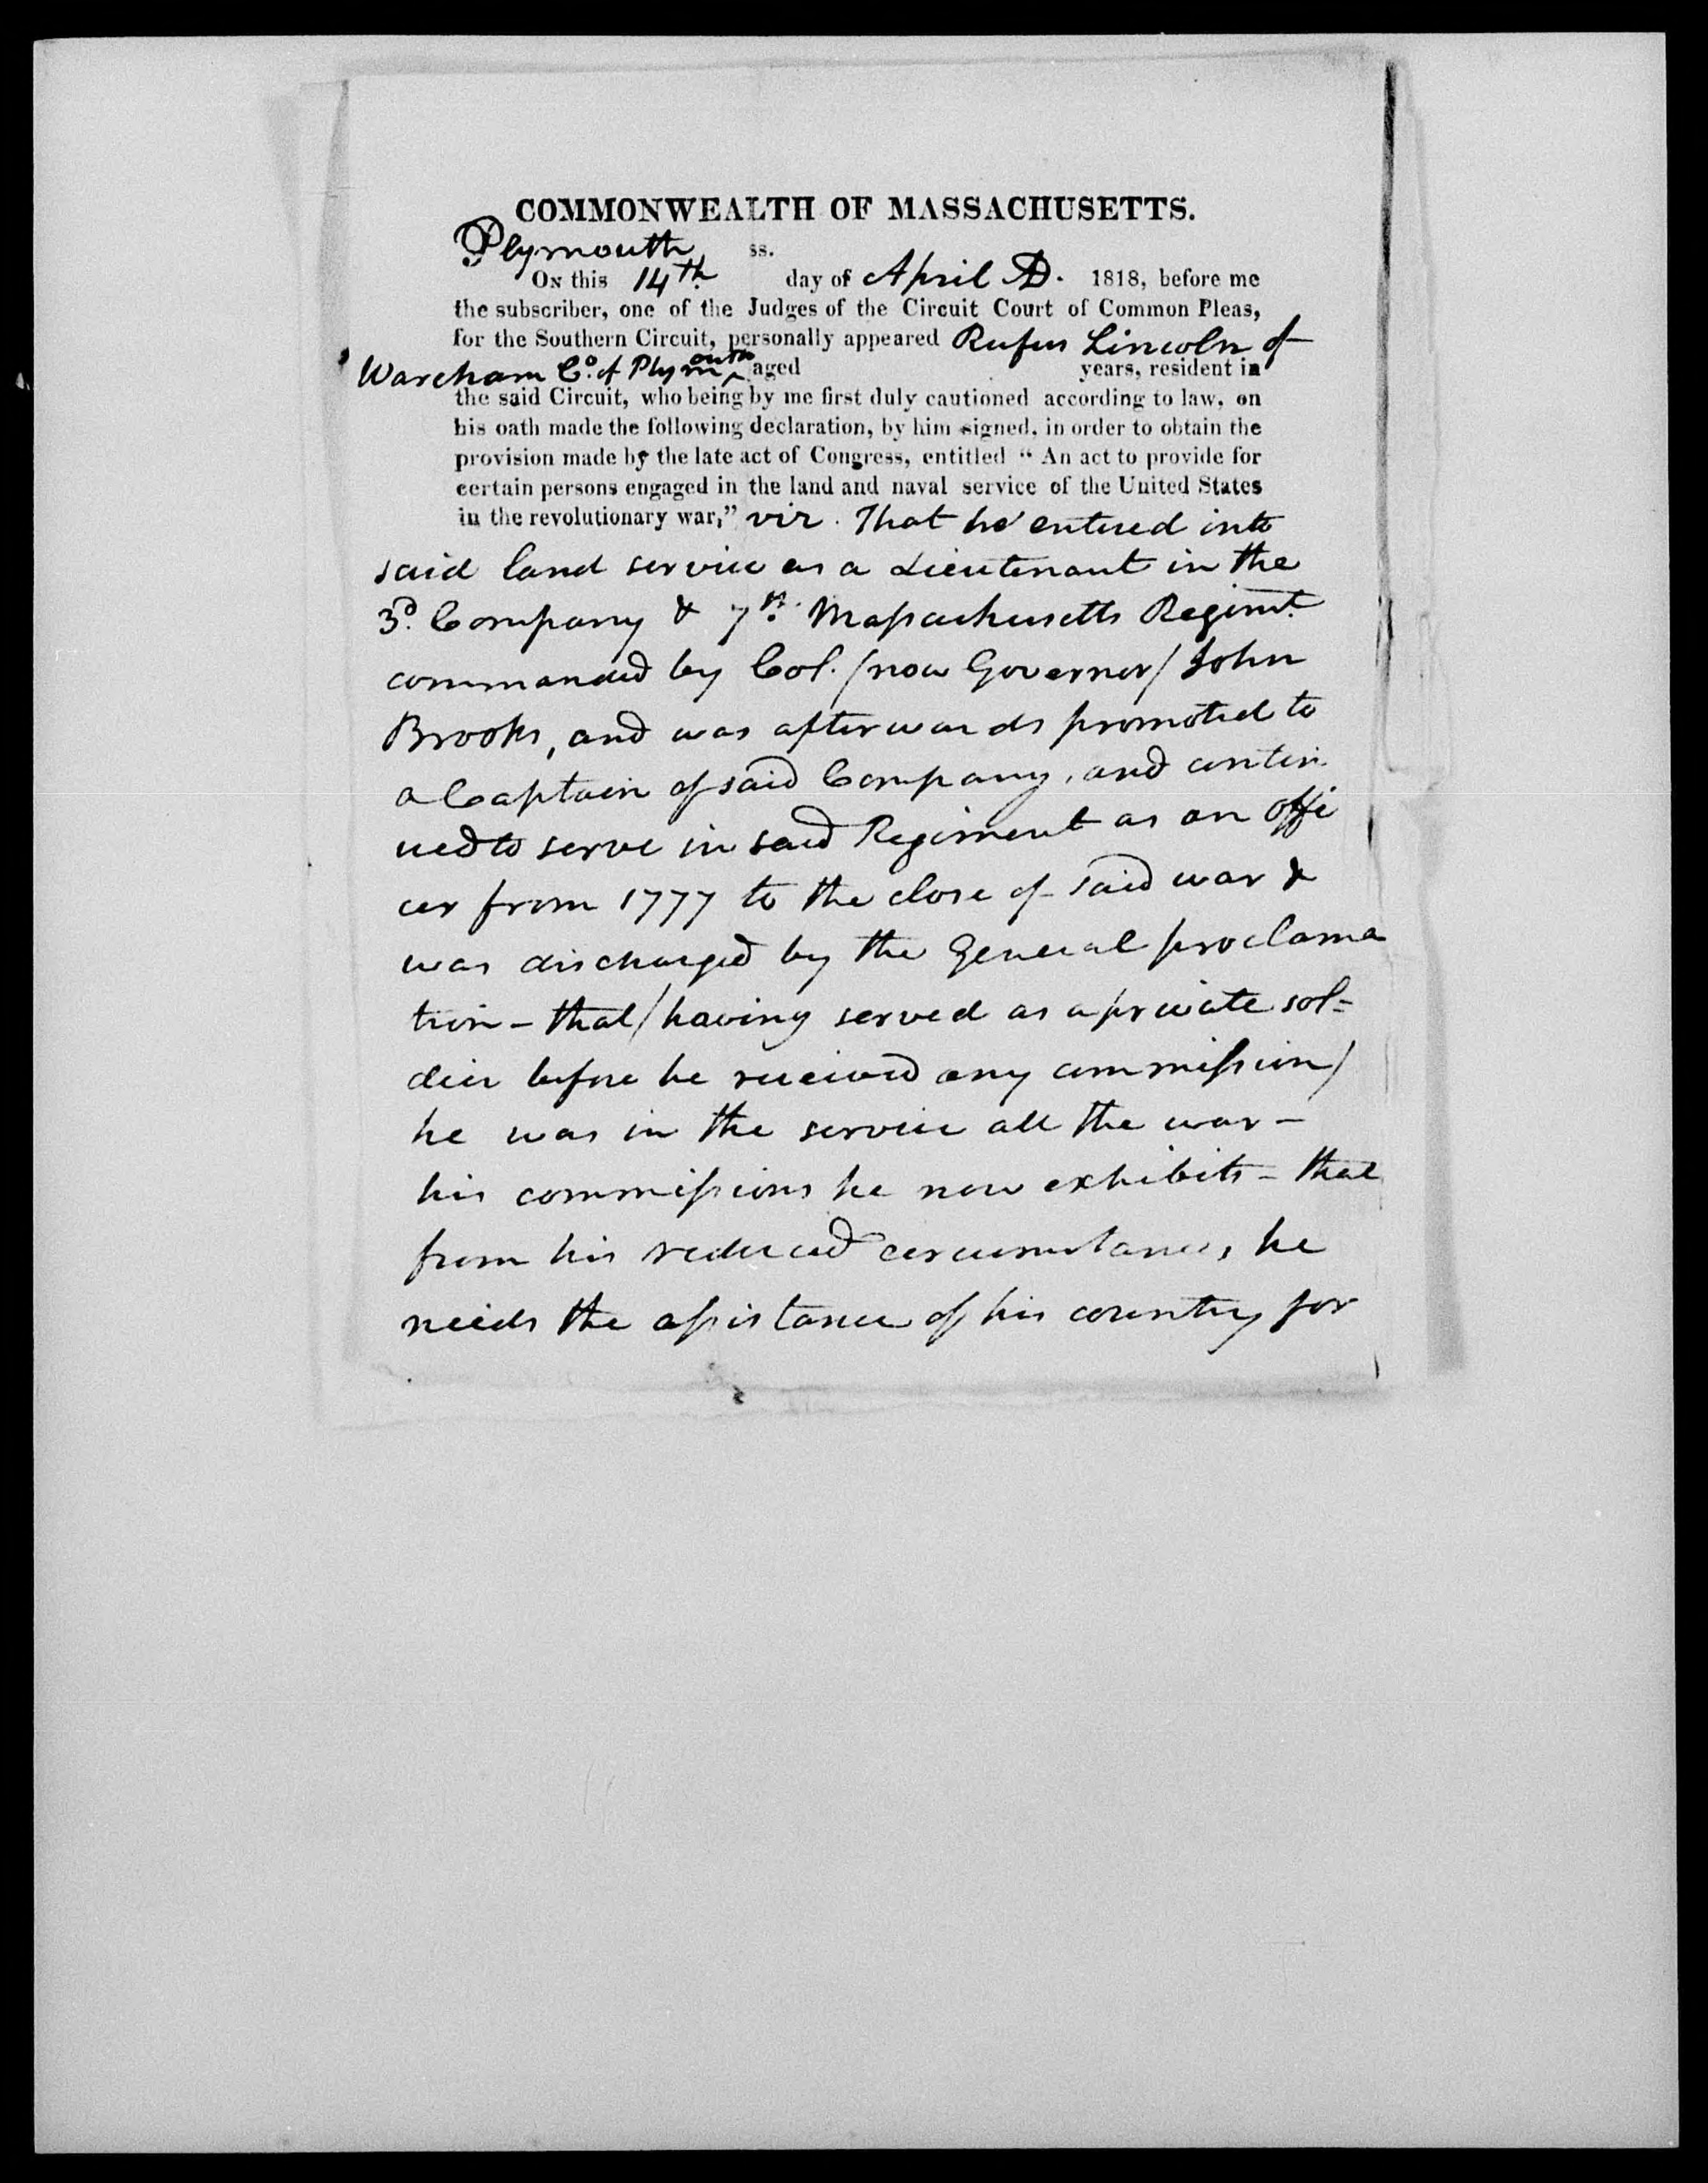COMMONWEALTH OF MASSACHUSETTS.
Plymouth
SS.
On this 14th day of April AD. 1818, before me
the subscriber, one of the Judges of the Circuit Court of Common Pleas, for the Southern Circuit, personally appeared Rufus Lincoln of
Wareham Co. of Plymouth aged______years,
resident in said Circuit, who being by me duly cautioned according to law, on his oath made the following declaration, by him signed, in order to obtain the provision made by the late act of Congress, entitled ""An act to provide for certain persons engaged in the land and naval service of the United States
in the revolutionary war," viz. That he entered into said land service as a Lieutenant in the
3d Company & 7th Massachusetts Regimt
commanded by Col / now Governor / John
Brooks, and was afterwards promoted to
a Captain of said Company, and continued to serve in said Regiment as an officer from 1777 to the close of said war & was discharged by the general proclamation - that having served as a private soldier before he received any commission he was in the service all the war-
his commissions he now exhibits - that
from his reduced circumstances he
needs the assistance of his country for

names: Rufus Lincoln; John Brooks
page: 6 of 82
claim: widow's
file: W. 13,634, for Rufus Lincoln, Massachusetts